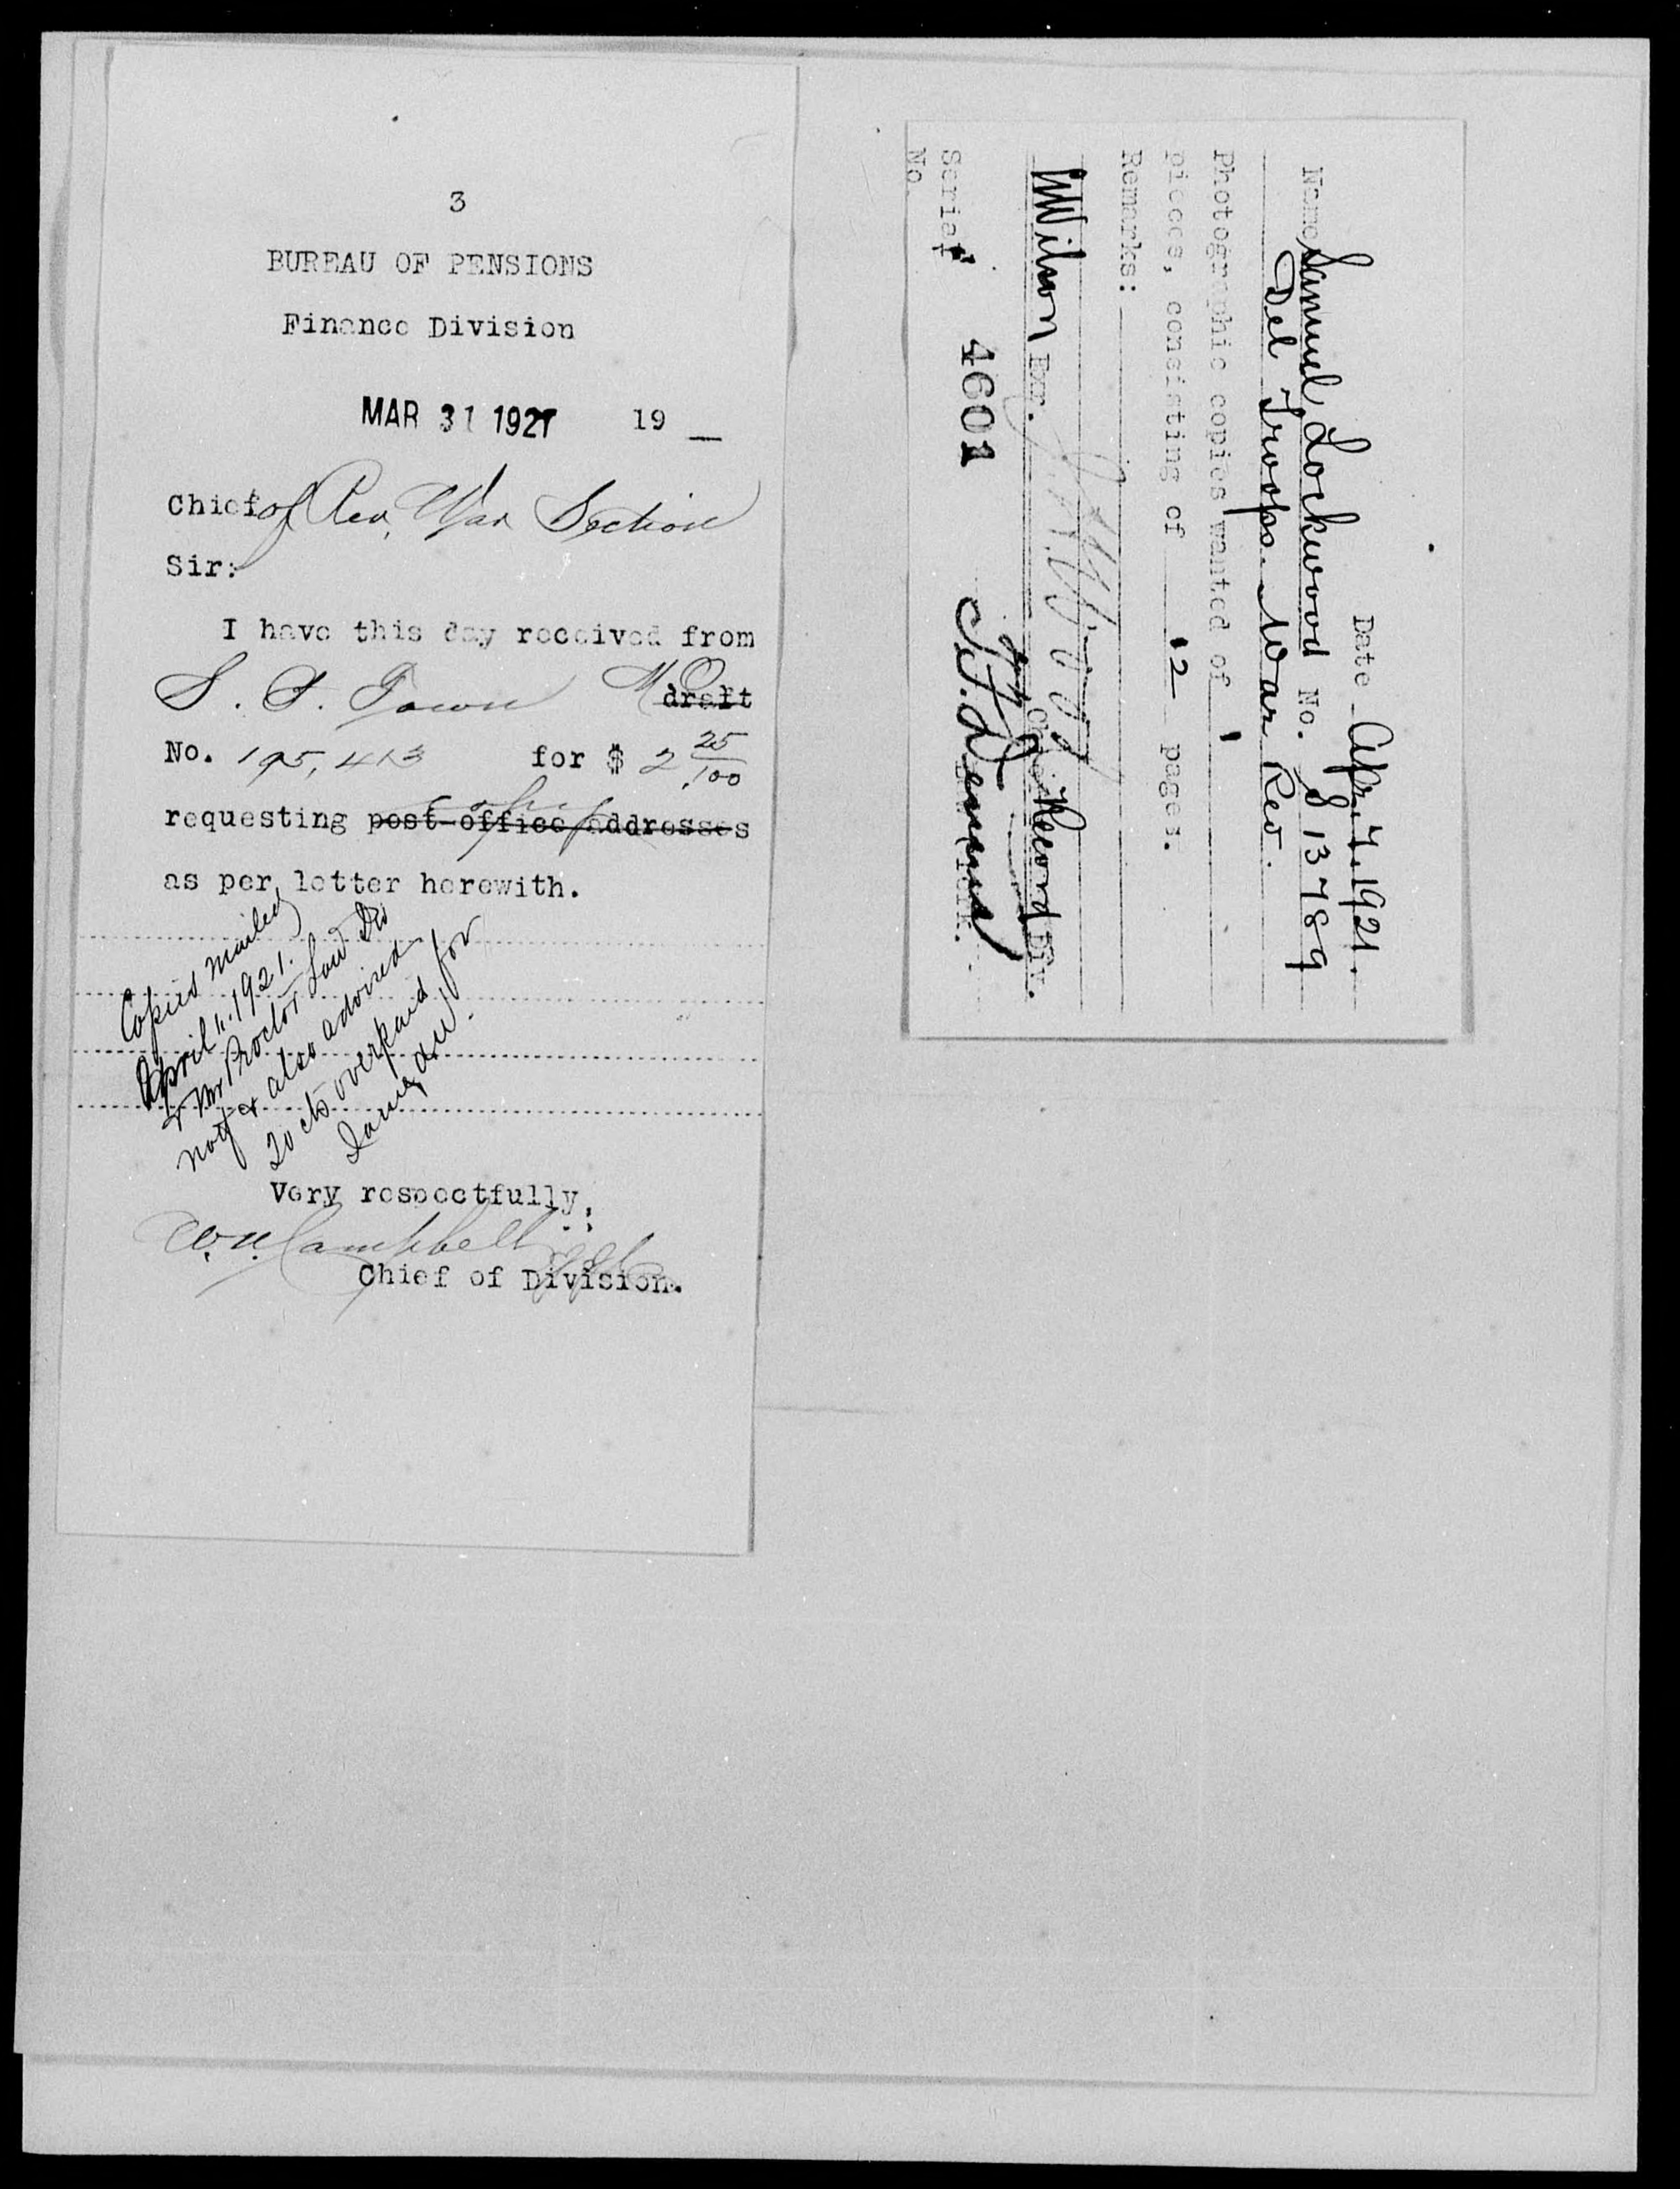3
BUREAU OF PENSIONS
Finance Division
MAR 31 1921 
Chief of Rev. War Section
Sir
I have this day received from
S. F. Town M.O.
No. 195, 413 for $2 25/100
requesting copies
as per letter herewith.

Very respectfully,
W. N. Campbell
Chief of Division


Copies mailed
April 11, 1921.
& Mr. Proctor Law  
[Disnoff] & also advised
20 cts overpaid for
[Janu’y] AW

Date Apr 7, 1921
Name Samuel Lockwood
Del. Troops war Rev.
Photographic copies wanted of 1
pieces, consisting of 12 pages.
Remarks:
W. Wilson
Exr. J H Wood
Chief of Record Division
T F Dennis [?? York?]
Serial No. 4601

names: J H Wood; S B Town; W Wilson; Samuel Lockwood; T F Dennis; W N Campbell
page: 20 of 25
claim: survivor's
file: S. 13789, for Samuel Lockwood, Delaware